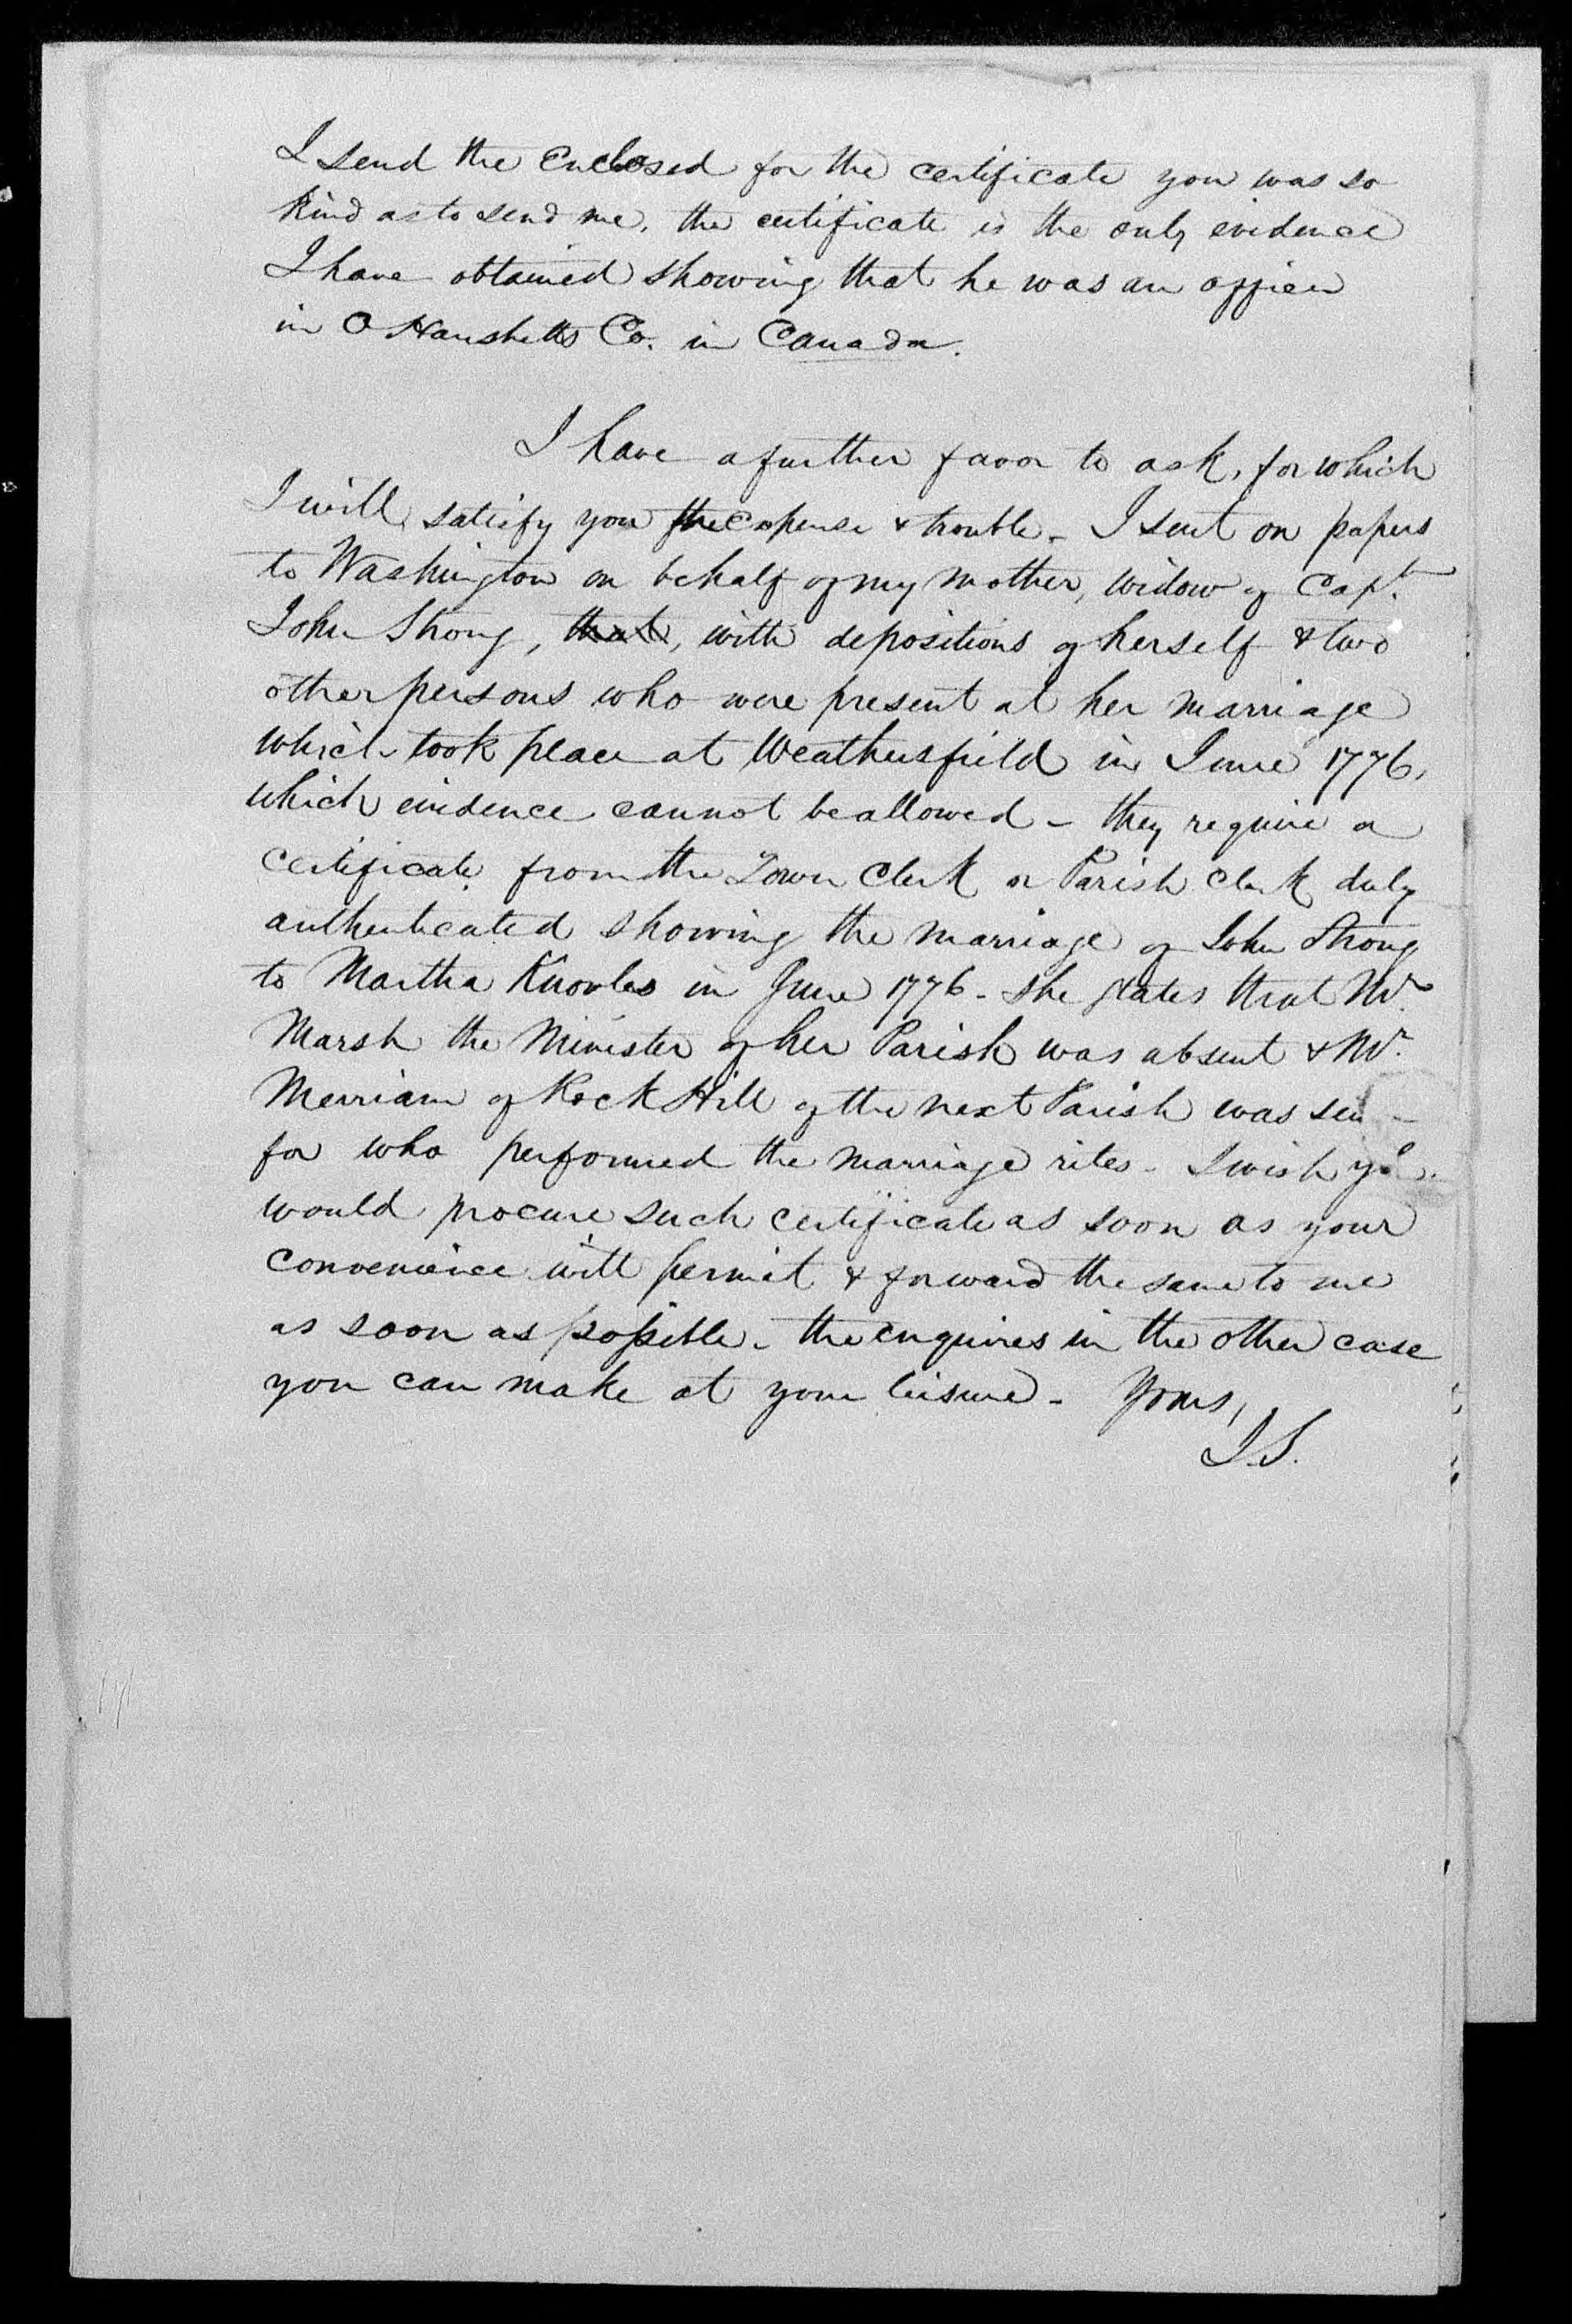I send the Enclosed for the certificate you was so kind as to send me. The certificate is the only evidence I have obtained showing that he was a officer in O Hanshetts Co. in Canada.
I have a further favor to ask, for which I will satisfy you the Expense & trouble. I sent on papers to Washington on behalf of my mother, widow of Capt. John Strong, with depositions of herself & two other persons who were present at her marriage which took place at Weathersfield in June 1776, which evidence cannot be allowed--they require a certificate from the Town Clerk or Parish clerk duly authenticated showing the marriage of John Strong to Martha Knowles in June 1776--She states that M. Marsh the Minister of her Parish was absent & Mr. Merriam of Rock Hill of the next Parish was sent for who performed the marriage rites. I wish you would procure such certificate as soon as your convenience will permit & forward the same to me as soon as possible--the enquires in the other case you can make at your leisure.  Yours, J.S.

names: [BLANK] Merriam; [BLANK] Marsh; Martha Knowles; John Strong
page: 30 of 60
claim: widow's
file: W. 14,036, for James Knowles, Connecticut